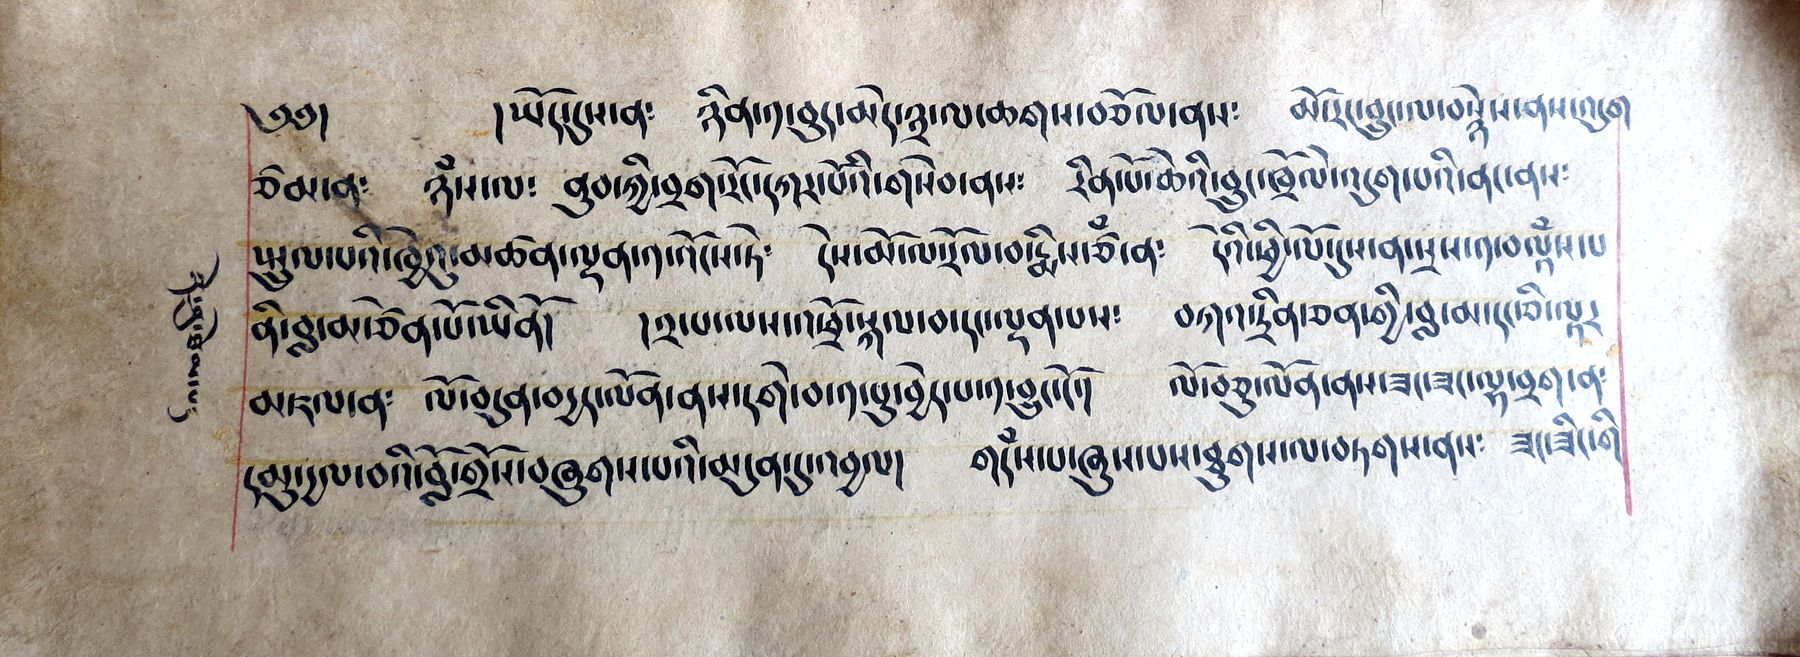ཡོད་དུས་ན། ཉིན་ཞིག་བུད་མེད་གསུམ་ལ་ཆགས་བཅོལ་ནས། མོ་རང་གིས་བྲུང་ལ་བསྙས་ནས་འདུག་
ཙམ་ན། ཉམས་ལ་ནུབ་ཀྱི་བྲག་རོང་དཀར་པོའི་གསེབ་ནས། རིན་པོ་ཆེའི་བྲུང་ཁྲོལ་ལེ་འདུག་པའི་ནང་ནས། 
སྤྲུལ་པའི་ཁྱེའུ་མཚན་ལྡན་ཅིག་འོངས་ཏེ། དེས་མོ་ལ་རོལ་པ་རྨིས་ཙམ་ན། དེའི་ཕྱི་ལོ་དུས་ལ་སྲས་གཅིག་བལྟམས་པ་
ནི། བླ་མ་བཙན་པོ་ཡིན་ནོ། །གཉིས་པ་ལས་འཕྲོ་སྐལ་པ་དང་ལྡན་པས། བཀའ་དྲིན་ཅན་གྱི་བླ་མ་དང་ཅི་ལྟར་
མཇལ་ན། ལོ་བདུན་བརྒྱད་ལོན་ནས་ཀྱང་དགེ་བ་གཅིག་པུ་བྱེད་པ་ཅིག་བྱུང་ངོ་། །ལོ་བཅུ་ལོན་ནས་ཟང་ཟང་ལྷ་བྲག་ན། 
དམུ་རྒྱལ་བ་བློ་གྲོས་བཞུགས་པའི་དྲུང་དུ་འབྱལ། གདམས་པ་ཞུས་པས་ཐུགས་ལ་བཏགས་ནས། ཟང་ཟིང་གི་